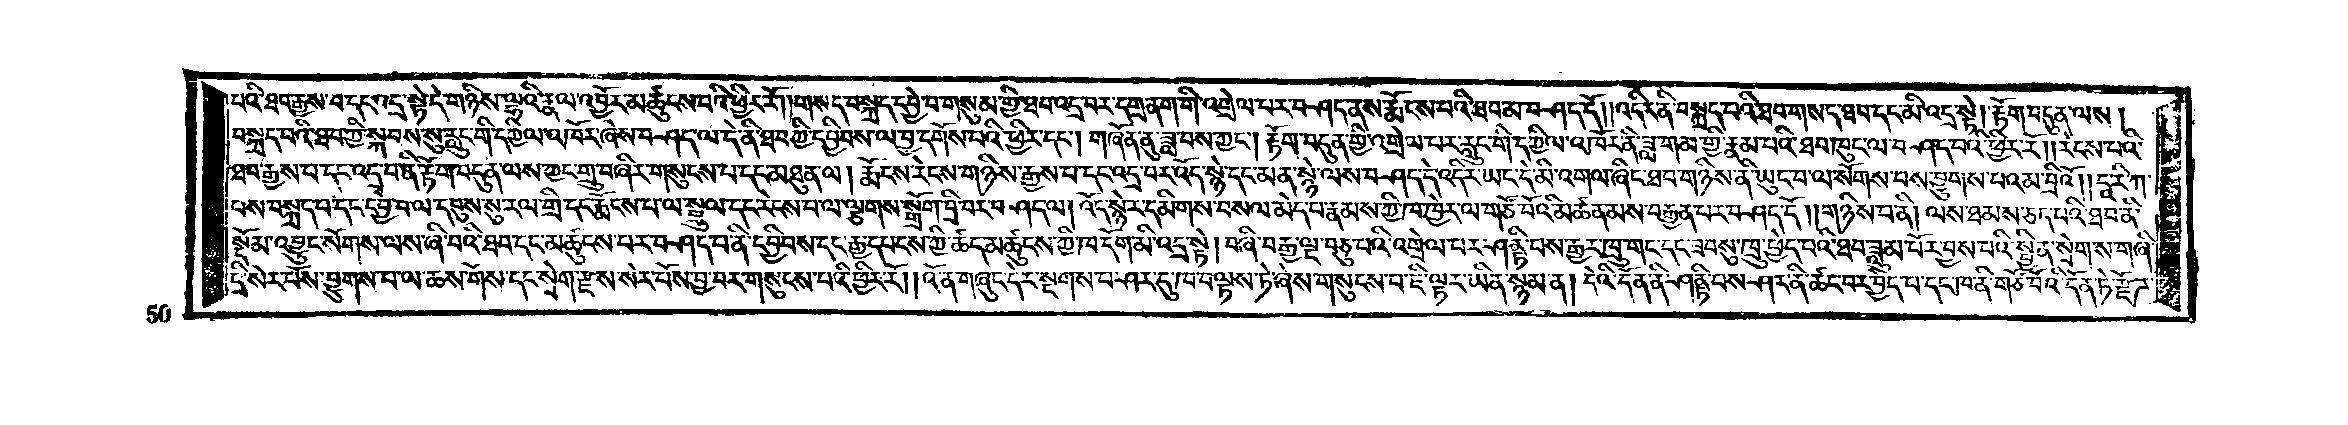པའི་ཐབ་རྒྱས་བ་དང་འདྲ་སྟེ་དེ་གཉིས་ལྷའི་རྣལ་འབྱོར་མཚུངས་བའི་ཕྱིར་རོ། །གསད་བསྐྲད་དབྱེ་བ་གསུམ་གྱི་ཐབ་འདྲ་བར་དགྲ་ནག་གི་འགྲེལ་པར་བཤད་ནས་རྨོངས་པའི་ཐབ་མ་བཤད་དོ། །འདིར་ནི་བསྐྲད་པའི་ཐབ་གསད་ཐབ་དང་མི་འདྲ་སྟེ། རྟོག་བདུན་ལས།
བསྐྲད་པའི་ཐབ་ཀྱི་སྐབས་སུ་རླུང་གི་དཀྱིལ་འཁོར་ཞེས་བཤད་ལ་དེ་ནི་ཐབ་ཀྱི་དབྱིབས་ལ་བྱ་དགོས་པའི་ཕྱིར་དང་། གཞོན་ནུ་ཟླ་བས་ཀྱང་། རྟོག་བདུན་གྱི་འགྲེལ་པར་རླུང་གི་དཀྱིལ་འཁོར་ནི་ཟླ་གམ་གྱི་རྣམ་པའི་ཐབ་ཁུང་ལ་བཤད་པའི་ཕྱིར་རོ། །རེངས་པའི་
ཐབ་རྒྱས་པ་དང་འདྲ་བ་ནི་རྟོག་བདུན་ལས་ཀྱང་གྲུ་བཞིར་གསུངས་པ་དང་མཐུན་ལ། རྨོངས་རེངས་གཉིས་རྒྱས་པ་དང་འདྲ་བར་འོད་སྙེ་དང་མན་སྙེ་ལས་བཤད་དེ་འདིར་ཡང་དེ་མི་འགལ་ཞིང་ཐབ་གཉིས་ནི་ཡུང་བ་ལ་སོགས་པས་བྱུགས་པའམ་བྲིའོ། །དཱ་རི་ཀ་
པས་བསྐྲད་པ་དང་དབྱེ་བ་ལ་དབུས་སུ་རལ་གྲི་དང་རྨོངས་པ་ལ་སྦྲུལ་དང་རེངས་པ་ལ་ལྕགས་སྒྲོག་བྲི་བར་བཤད་ལ། འོད་སྙེར་དམིགས་བསལ་མེད་པ་རྣམས་ཀྱི་ཁ་ཁྱེར་ལ་གཙོ་བོའི་མཚན་མས་བརྒྱན་པར་བཤད་དོ། །གཉིས་པ་ནི། ལས་ཐམས་ཅད་པའི་ཐབ་ནི་
སྡོམ་འབྱུང་སོགས་ལས་ཞི་བའི་ཐབ་དང་མཚུངས་པར་བཤད་པ་ནི་དབྱིབས་དང་རྒྱ་དཔངས་ཀྱི་ཚད་མཚུངས་ཀྱི་ཁ་དོག་མི་འདྲ་སྟེ། བཞི་བརྒྱ་ལྔ་བཅུ་པའི་འགྲེལ་པར་ཤནྟི་པས་རྒྱར་ཁྲུ་གང་དང་ཟབས་སུ་ཁྲུ་ཕྱེད་པའི་ཐབ་ཟླུམ་པོར་བྱས་པའི་སྦྱིན་སྲེག་ས་གཞི་
དྲི་སེར་པོས་བྱུགས་པ་ལ་ཆས་གོས་དང་སྲེག་རྫས་སེར་པོས་བྱ་བར་གསུངས་པའི་ཕྱིར་རོ། །འོ་ན་གཞུང་དེར་སྔགས་པ་ཤར་དུ་ཁ་བལྟས་ཏེ་ཞེས་གསུངས་པ་ཇི་ལྟར་ཡིན་སྙམ་ན། དེའི་དོན་ནི་ཤནྟི་བས་ཤར་ནི་ཚང་བར་བྱེད་པ་དང་ཁ་ནི་གཙོ་བོའི་དོན་ཏེ་རྫོགས་